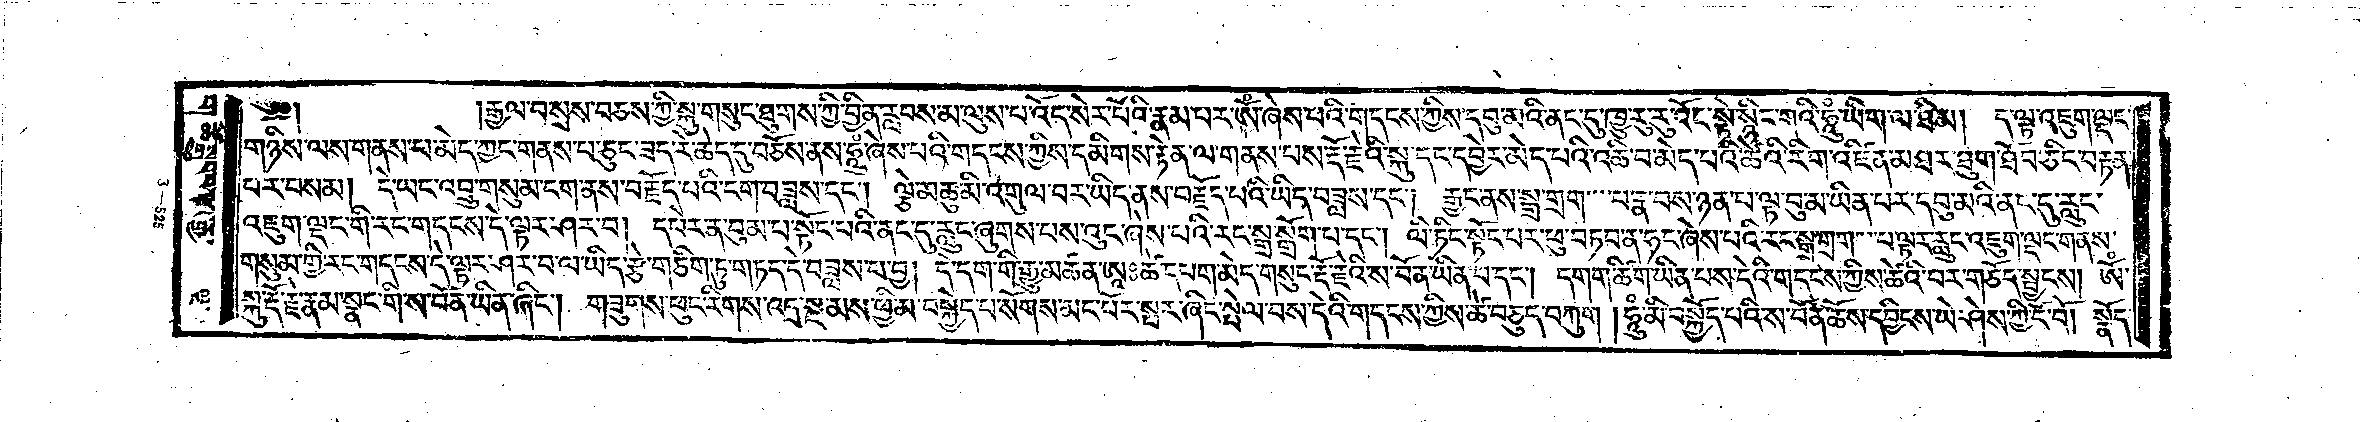༄༅། །རྒྱལ་བ་སྲས་བཅས་ཀྱི་སྐུ་གསུང་ཐུགས་ཀྱི་བྱིན་རླབས་མ་ལུས་པ་འོད་སེར་པོའི་རྣམ་པར་ཨོཾ་ཞེས་པའི་གདངས་ཀྱིས་དབུ་མའི་ནང་དུ་ཁྱུ་རུ་རུ་འོང་སྟེ་སྙིང་གའི་ཧཱུཾ་ཡིག་ལ་ཐིམ། ད་ལྟ་འཇུག་ལྡང་
གཉིས་ལས་གནས་པ་མེད་ཀྱང་གནས་པ་ཅུང་ཟད་རེ་ཆེད་དུ་བཅོས་ནས་ཧཱུཾ་ཞེས་པའི་གདངས་ཀྱིས་དམིགས་རྟེན་ལ་གནས་པས་རྡོ་རྗེའི་སྐུ་དང་དབྱེར་མེད་པའི་འཆི་བ་མེད་པའི་ཚེའི་རིག་འཛིན་མཐར་ཐུག་ཐོབ་ཅིང་བརྟན་
བར་བསམ། དེ་ཡང་འབྲུ་གསུམ་ངག་ནས་བརྗོད་པའི་ངག་བཟླས་དང་། ལྕེ་མཆུ་མི་འགུལ་བར་ཡིད་ནས་བརྗོད་པའི་ཡིད་བཟླས་དང་། རྒྱང་ནས་སྒྲ་གྲག་པ་རྣ་བས་ཉན་པ་ལྟ་བུ་མ་ཡིན་པར་དབུ་མའི་ནང་དུ་རླུང་
འཇུག་ལྡང་གི་རང་གདངས་དེ་ལྟར་ཤར་བ། དཔེར་ན་བུམ་པ་སྟོང་པའི་ནང་དུ་རླུང་ཞུགས་པས་འུང་ཞེས་པའི་རང་སྒྲ་སྒྲོག་པ་དང་། ལི་ཏིང་སྟོང་པར་ཕུ་བཏབ་ན་ཧང་ཞེས་པའི་རང་སྒྲ་གྲག་པ་ལྟར་རླུང་འཇུག་ལྡང་གནས་
གསུམ་གྱི་རང་གདངས་དེ་ལྟར་ཤར་བ་ལ་ཡིད་རྩེ་གཅིག་ཏུ་གཏད་དེ་བཟླས་པ་བྱ། དེ་དག་གི་རྒྱུ་མཚན་ཨཱཿཚེ་དཔག་མེད་གསུང་རྡོ་རྗེའི་ས་བོན་ཡིན་པ་དང་། དགག་ཚིག་ཡིན་པས་དེའི་གདངས་ཀྱིས་ཚེའི་བར་གཅོད་སྦྱངས། ཨོཾ་
སྐུ་རྡོ་རྗེ་རྣམ་སྣང་གི་ས་བོན་ཡིན་ཞིང་། གཟུགས་ཕུང་རིགས་འདྲ་སྔ་མས་ཕྱི་མ་བསྐྱེད་པ་སོགས་མང་པོར་སྦར་ཞིང་སྤེལ་བས་དེའི་གདངས་ཀྱིས་ཚེ་བཅུད་བཀུག །ཧཱུཾ་མི་བསྐྱོད་པའི་ས་བོན་ཆོས་དབྱིངས་ཡེ་ཤེས་ཀྱི་ངོ་བོ། སྣོད་